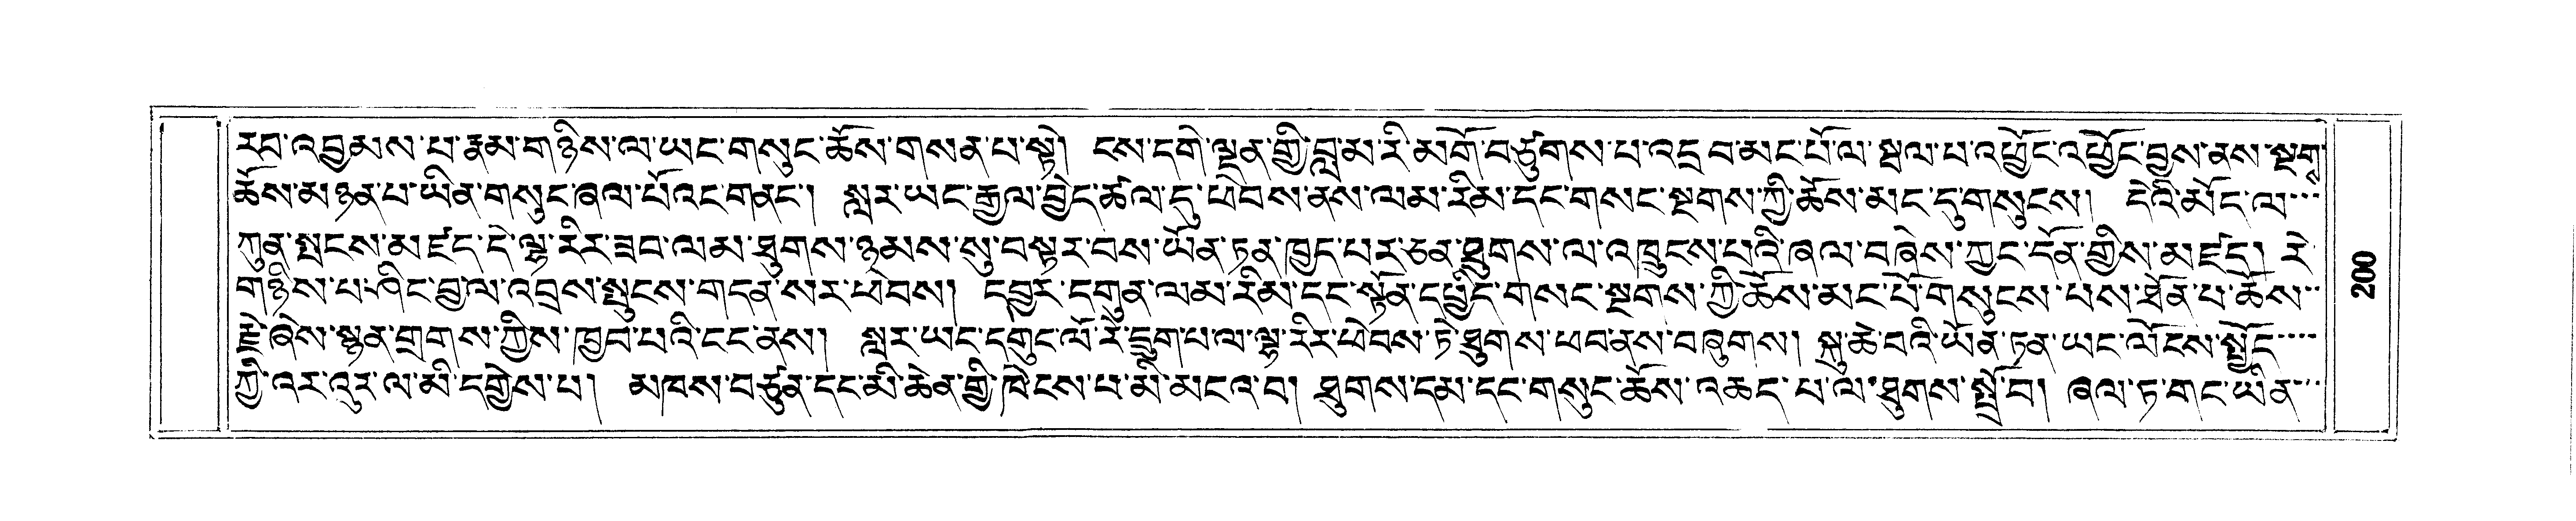རབ་འབྱམས་པ་རྣམ་གཉིས་ལ་ཡང་གསུང་ཆོས་གསན་པ་སྟེ། ངས་དགེ་ལྡན་གྱི་བླ་མ་རི་མགོ་བཙུགས་པ་འདྲ་བ་མང་པོ་ལ་སྦལ་པ་འཕྱོང་འཕྱོང་བྱས་ནས་སྡགས་
ཆོས་མཉན་པ་ཡིན་གསུང་ཞལ་པོའང་གནང་། སླར་ཡང་རྒྱལ་བྱེད་ཚལ་དུ་ཕེབས་ནས་ལམ་རིམ་དང་གསང་སྔགས་ཀྱི་ཆོས་མང་དུ་གསུངས། དེའི་མོད་ལ་
ཀུན་སྤངས་མཛད་དེ་ལྷ་རིར་ཟབ་ལམ་ཐུགས་ཉམས་སུ་བསྟར་བས་ཡོན་ཏན་ཁྱད་པར་ཅན་ཐུགས་ལ་འཁྲུངས་པའི་ཞལ་བཞེས་ཀྱང་དོན་གྱིས་མཛད། རེ་
གཉིས་པ་ཤིང་བྱ་ལ་འབྲས་སྤུངས་གདན་སར་ཕེབས། དབྱར་དགུན་ལམ་རིམ་དང་སྟོན་དཔྱིད་གསང་སྔགས་ཀྱི་ཆོས་མང་པོ་གསུངས་པས་ཐོན་པ་ཆོས་
རྗེ་ཞེས་སྙན་གྲགས་ཀྱིས་ཁྱབ་པའི་ངང་ནས། སླར་ཡང་དགུང་ལོ་རེ་དྲུག་པ་ལ་ལྷ་རིར་ཕེབས་ཏེ་ཐུགས་ཕབ་ནས་བཞུགས། སྐུ་ཆེ་བའི་ཡོན་ཏན་ཡང་ལོངས་སྤྱོད་
ཀྱི་འར་འུར་ལ་མི་དགྱེས་པ། མཁས་བཙུན་དང་མི་ཆེན་གྱི་ཁེངས་པ་མི་མངའ་བ། ཐུགས་དམ་དང་གསུངས་ཆོས་འཆད་པ་ལ་ཐུགས་སྤྲོ་བ། ཞལ་ཏ་གང་ཡིན་